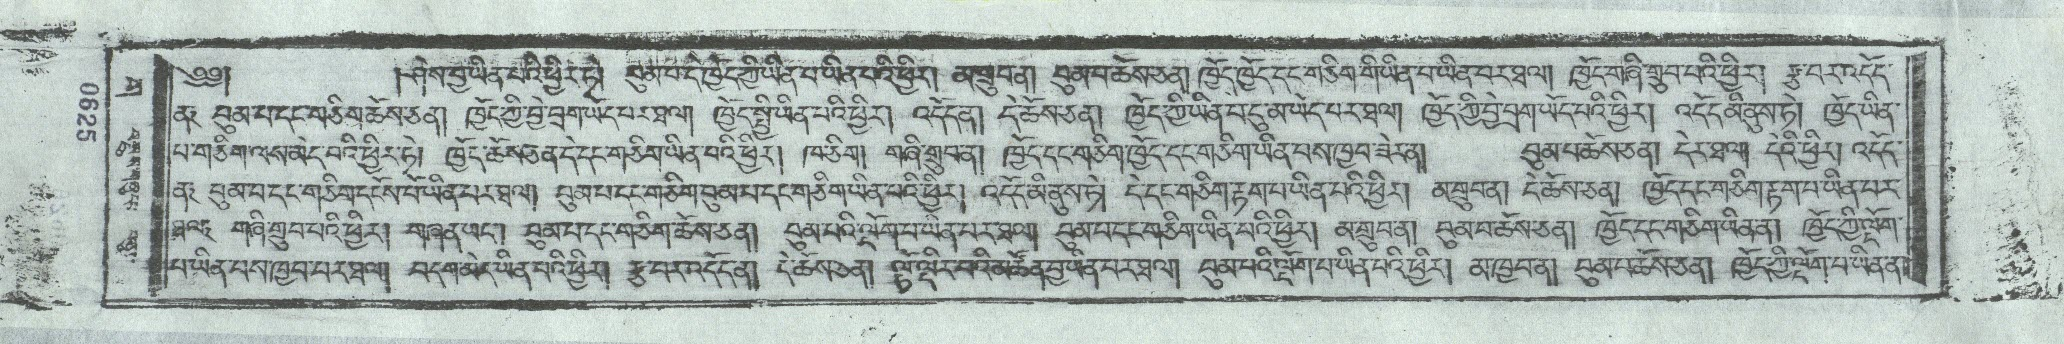༄༅། །ཤེས་བྱ་ཡིན་པའི་ཕྱིར་ཏེ། བུམ་པ་དེ་ཁྱོད་ཀྱི་ཡིན་པ་ཡིན་པའི་ཕྱིར། མ་གྲུབ་ན། བུམ་པ་ཆོས་ཅན། ཁྱོད་ཁྱོད་དང་གཅིག་གི་ཡིན་པ་ཡིན་པར་ཐལ། ཁྱོད་གཞི་གྲུབ་པའི་ཕྱིར། རྩ་བར་འདོད་
ན༑ བུམ་པ་དང་གཅིག་ཆོས་ཅན། ཁྱོད་ཀྱི་བྱེ་བྲག་ཡོད་པར་ཐལ། ཁྱོད་སྤྱི་ཡིན་པའི་ཕྱིར། འདོད་ན། དེ་ཆོས་ཅན། ཁྱོད་ཀྱི་ཡིན་པ་དུ་མ་ཡོད་པར་ཐལ། ཁྱོད་ཀྱི་བྱེ་བྲག་ཡོད་པའི་ཕྱིར། འདོད་མི་ནུས་ཏེ། ཁྱོད་ཡིན་
པ་གཅིག་ལས་མེད་པའི་ཕྱིར་ཏེ། ཁྱོད་ཆོས་ཅན་དེ་དང་གཅིག་ཡིན་པའི་ཕྱིར། ཁ་ཅིག། གཞི་གྲུབ་ན། ཁྱོད་དང་གཅིག་ཁྱོད་དང་གཅིག་ཡིན་པས་ཁྱབ་ཟེར་ན། བུམ་པ་ཆོས་ཅན། དེར་ཐལ། དེའི་ཕྱིར། འདོད་
ན༑ བུམ་པ་དང་གཅིག་དངོས་པོ་ཡིན་པར་ཐལ། བུམ་པ་དང་གཅིག་བུམ་པ་དང་གཅིག་ཡིན་པའི་ཕྱིར། འདོད་མི་ནུས་ཏེ། དེ་དང་གཅིག་རྟག་པ་ཡིན་པའི་ཕྱིར། མ་གྲུབ་ན། དེ་ཆོས་ཅན། ཁྱོད་དང་གཅིག་རྟག་པ་ཡིན་པར་
ཐལ༑ གཞི་གྲུབ་པའི་ཕྱིར། གཞན་ཡང་། བུམ་པ་དང་གཅིག་ཆོས་ཅན། བུམ་པའི་ལྡོག་པ་ཡིན་པར་ཐལ། བུམ་པ་དང་གཅིག་ཡིན་པའི་ཕྱིར། མ་གྲུབ་ན། བུམ་པ་ཆོས་ཅན། ཁྱོད་དང་གཅིག་ཡིན་ན། ཁྱོད་ཀྱི་ལྡོག་
པ་ཡིན་པས་ཁྱབ་པར་ཐལ། བདག་མེད་ཡིན་པའི་ཕྱིར། རྩ་བར་འདོད་ན། དེ་ཆོས་ཅན། ལྟོ་ལྡིར་བའི་མཚོན་བྱ་ཡིན་པར་ཐལ། བུམ་པའི་ལྡོག་པ་ཡིན་པའི་ཕྱིར། མ་ཁྱབ་ན། བུམ་པ་ཆོས་ཅན། ཁྱོད་ཀྱི་ལྡོག་པ་ཡིན་ན་